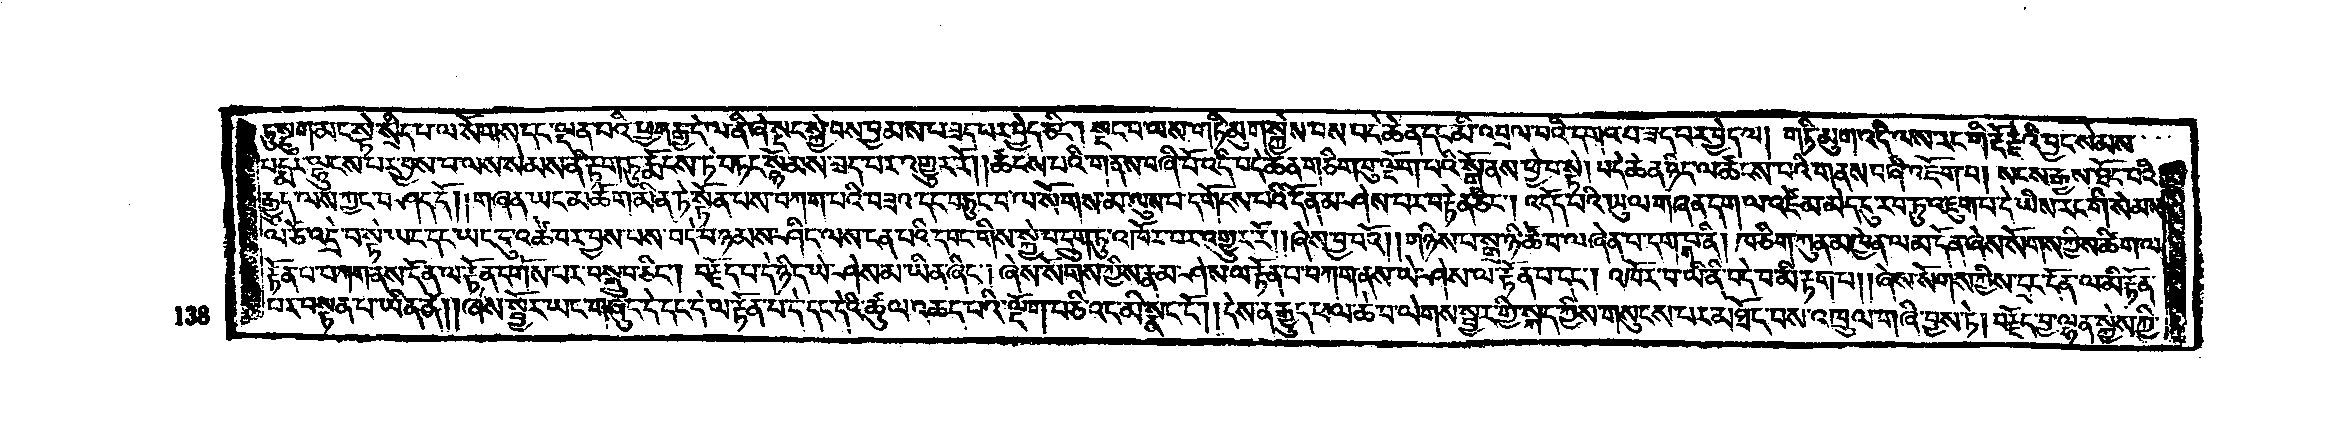ཏུ་སྡུག་མང་སྟེ་སྲིད་པ་ལ་སོགས་དང་ལྡན་པའི་ཕྱག་རྒྱ་དེ་ལ་ནི་ཞེ་སྡང་སྐྱེ་པས་བྱམས་པ་ཟད་པར་བྱེད་ཅིང་། སྡང་བ་ལས་གཏི་མུག་སྐྱེས་པས་བདེ་ཆེན་དང་མི་འབྲལ་བའི་དགའ་བ་ཟད་པར་བྱེད་ལ། གཏི་མུག་འདི་ལས་རང་གི་རྡོ་རྗེའི་བྱང་སེམས་
པདམར་ལྷུངས་པར་བྱས་པ་ལས་སེམས་ནི་རྟག་ཏུ་རྨོངས་ཏེ་བཏང་སྙོམས་ཟད་པར་འགྱུར་རོ། །ཚངས་པའི་གནས་བཞི་པོ་འདི་བདེ་ཆེན་གཅིག་པུ་ལྡོག་པའི་སྒོ་ནས་ཕྱེ་བ་སྟེ། བདེ་ཆེན་ཉིད་ལ་ཚངས་པའི་གནས་བཞི་འཇོག་པ། སངས་རྒྱས་ཐོད་པའི་
རྒྱུད་ལས་ཀྱང་བཤད་དོ། །གཞན་ཡང་མཆོག་མིན་ཏེ་སྟོན་པས་བཀག་པའི་བཟའ་དང་བཏུང་བ་ལ་སོགས་མ་ལུས་པ་དགོངས་པའི་དོན་མ་ཤེས་པར་བརྟེན་ཅིང་། འདོད་པའི་ཡུལ་གཞན་དག་ལ་འཛམ་མེད་དུ་རབ་ཏུ་འཇུག་པ་དེ་ཡིས་རང་གི་སེམས་
ལ་ཙོ་འདྲེ་བ་སྟེ་ཡང་དང་ཡང་དུ་འཚེ་བར་བྱས་པས་བདེ་བ་ཉམས་ཤིང་ལས་ངན་པའི་དབང་གིས་སྐྱེ་བ་དྲུག་ཏུ་འཁོར་བར་འགྱུར་རོ། །ཞེས་བྱ་བའོ། །གཉིས་པ་སྒྲ་ཉི་ཚེ་བ་ལ་ཞེན་པ་དགག་པ་ནི། ཁ་ཅིག་ཀུན་མཁྱེན་ལམ་དོན་ཞེས་སོགས་ཀྱིས་ཚིག་ལ་
རྟོན་པ་བཀག་ནས་དོན་ལ་རྟོན་དགོས་པར་བསྒྲུབ་ཅིང་། བརྗོད་པ་དེ་ཉིད་ཡེ་ཤེས་མ་ཡིན་ཞིང་། ཞེས་སོགས་ཀྱིས་རྣམ་ཤེས་ལ་རྟོན་པ་བཀག་ནས་ཡེ་ཤེས་ལ་རྟོན་པ་དང་། འཁོར་བ་ཡི་ནི་བདེ་བ་མི་རྟག་པ། །ཞེས་སོགས་ཀྱིས་དྲང་དོན་ལ་མི་རྟོན་
པར་བསྟན་པ་ཡིན་ནོ། །ཞེས་སྦྱོར་ཡང་གཞུང་དེ་དང་དེ་ལ་རྟོན་པ་དེ་དང་དེའི་ཚུལ་འཆད་པའི་ལྡོག་པ་ཅིའང་མི་སྣང་ངོ། །དེས་ན་རྒྱུད་ཕལ་ཆེ་བ་ལེགས་སྦྱར་གྱི་སྐད་ཀྱིས་གསུངས་པར་མཐོད་པས་འཁྲུལ་གཞི་བྱས་ཏེ། བརྗོད་བྱ་ལྷན་སྐྱེས་ཀྱི་